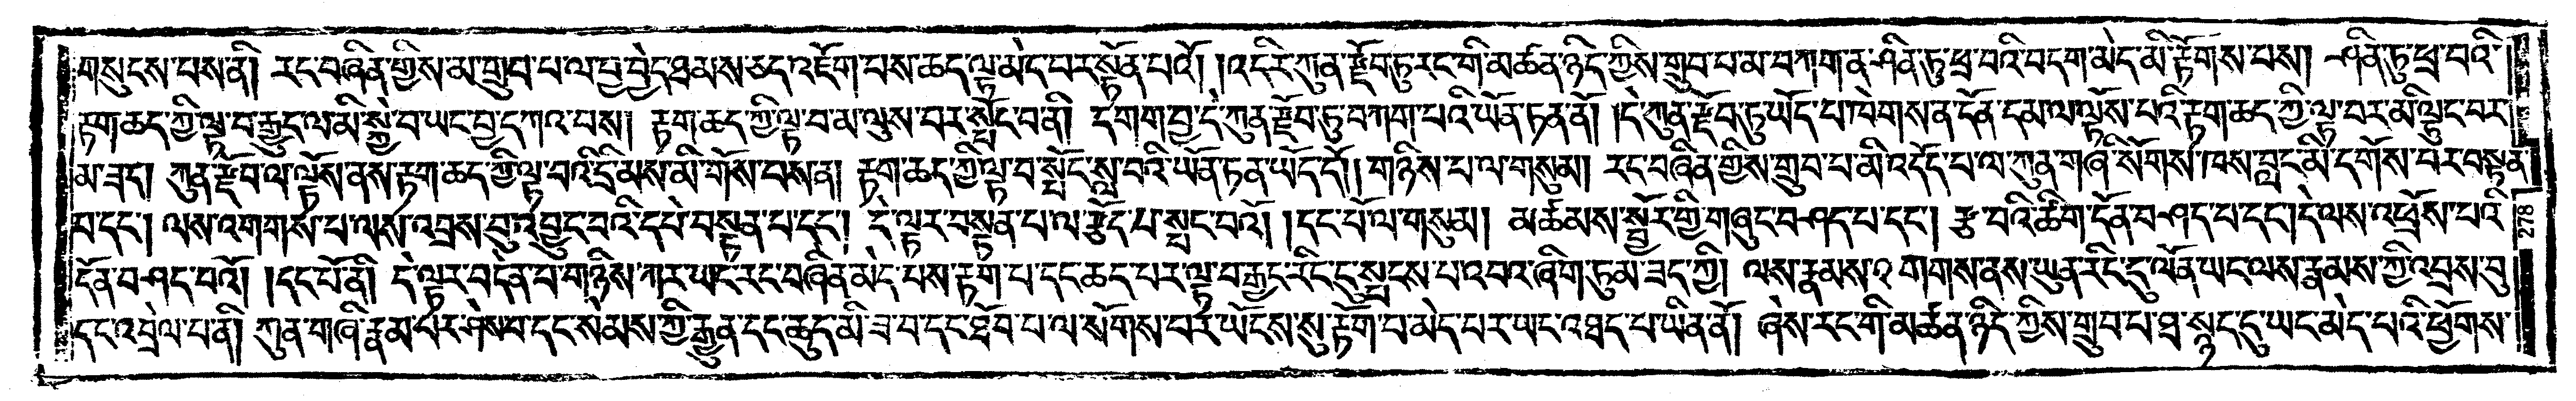གསུངས་པས་ནི། རང་བཞིན་གྱིས་མ་གྲུབ་པ་ལ་བྱ་བྱེད་ཐམས་ཅད་འཇོག་པས་ཆད་ལྟ་མེད་པར་སྟོན་པའོ། །འདིར་ཀུན་རྫོབ་ཏུ་རང་གི་མཚན་ཉིད་ཀྱིས་གྲུབ་པ་མ་བཀག་ན་ཤིན་ཏུ་ཕྲ་བའི་བདག་མེད་མི་རྟོགས་པས། ཤིན་ཏུ་ཕྲ་བའི་
རྟག་ཆད་ཀྱི་ལྟ་བ་རྒྱུད་ལ་མི་སྐྱེ་བ་ཡང་བྱ་དཀའ་བས། རྟག་ཆད་ཀྱི་ལྟ་བ་མ་ལུས་པར་སྤོང་བ་ནི། དགག་བྱ་དེ་ཀུན་རྫོབ་ཏུ་བཀག་པའི་ཡོན་ཏན་ནོ། །དེ་ཀུན་རྫོབ་ཏུ་ཡོད་པ་ཁེགས་ན་དོན་དམ་ལ་ལྟོས་པའི་རྟག་ཆད་ཀྱི་ལྟ་བར་མི་ལྟུང་བར་
མ་ཟད། ཀུན་རྫོབ་ལ་ལྟོས་ནས་རྟག་ཆད་ཀྱི་ལྟ་བའི་དྲི་མས་མི་གོས་པས་ན། རྟག་ཆད་ཀྱི་ལྟ་བ་སྤོང་སླ་བའི་ཡོན་ཏན་ཡོད་དོ། །གཉིས་པ་ལ་གསུམ། རང་བཞིན་གྱིས་གྲུབ་པ་མི་འདོད་པ་ལ་ཀུན་གཞི་སོགས་ཁས་བླང་མི་དགོས་པར་བསྟན་
པ་དང་། ལས་འགགས་པ་ལས་འབྲས་བུ་འབྱུང་བའི་དཔེ་བསྟན་པ་དང་། དེ་ལྟར་བསྟན་པ་ལ་རྩོད་པ་སྤང་བའོ། །དང་པོ་ལ་གསུམ། མཚམས་སྦྱོར་གྱི་གཞུང་བཤད་པ་དང་། རྩ་བའི་ཚིག་དོན་བཤད་པ་དང་། དེ་ལས་འཕྲོས་པའི་
དོན་བཤད་པའོ། །དང་པོ་ནི། དེ་ལྟར་བདེན་པ་གཉིས་གར་ཡང་རང་བཞིན་མེད་པས་རྟག་པ་དང་ཆད་པར་ལྟ་བ་རྒྱང་རིང་དུ་སྤངས་པ་འབའ་ཞིག་ཏུ་མ་ཟད་ཀྱི། ལས་རྣམས་འགགས་ནས་ཡུན་རིང་དུ་ལོན་ཡང་ལས་རྣམས་ཀྱི་འབྲས་བུ་
དང་འབྲེལ་བ་ནི། ཀུན་གཞི་རྣམ་པར་ཤེས་པ་དང་སེམས་ཀྱི་རྒྱུན་དང་ཆུད་མི་ཟ་བ་དང་ཐོབ་པ་ལ་སོགས་པར་ཡོངས་སུ་རྟོག་པ་མེད་པར་ཡང་འཐད་པ་ཡིན་ནོ། ཞེས་རང་གི་མཚན་ཉིད་ཀྱིས་གྲུབ་པ་ཐ་སྙད་དུ་ཡང་མེད་པའི་ཕྱོགས་